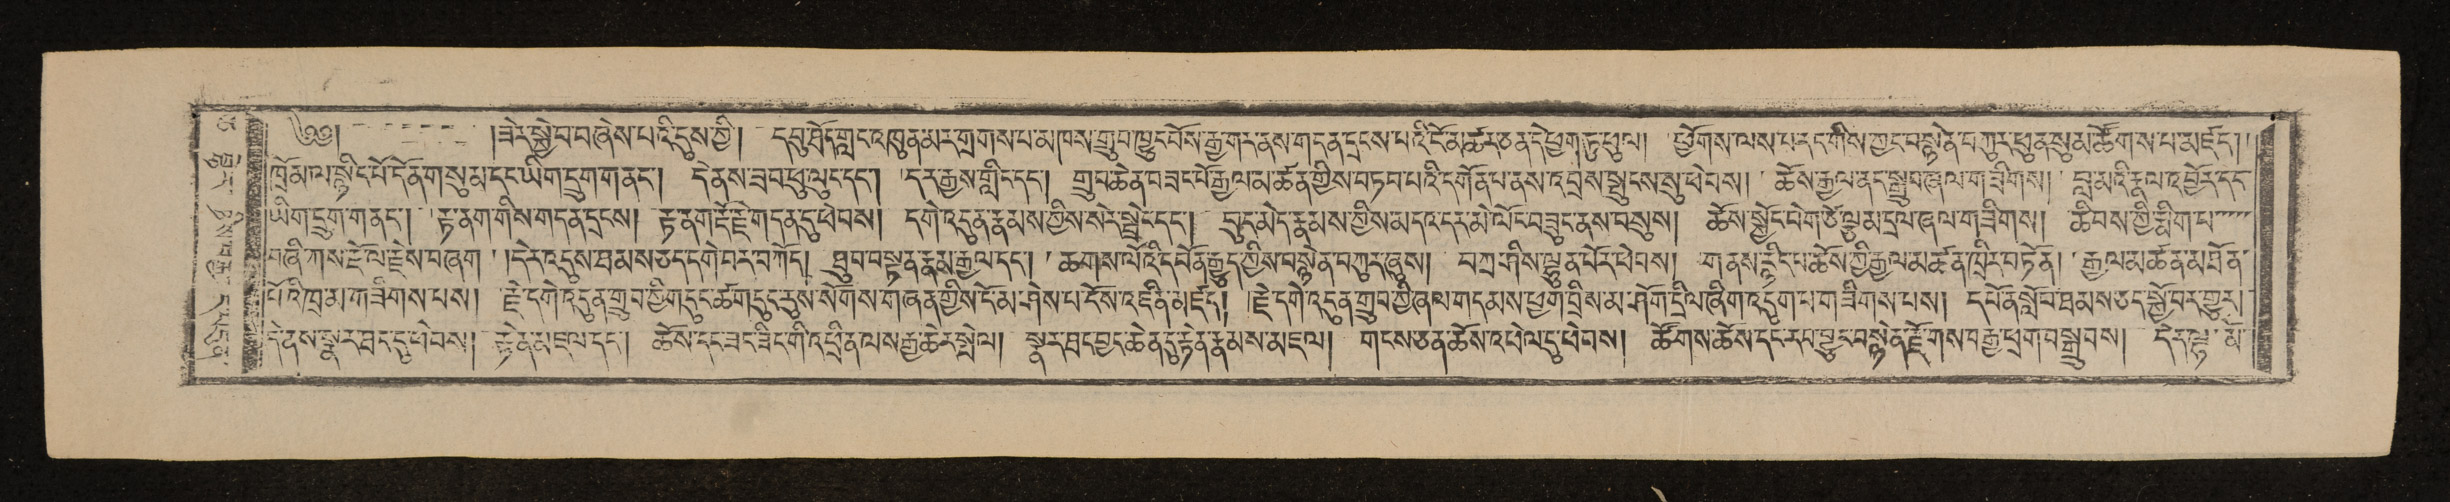༄༅། །ཟེར་སྐྱེ་བ་བཞེས་པའི་དུས་ཀྱི། དབུ་ཐོར་གླང་འཁུན་མར་གྲགས་པ་མཁས་གྲུབ་ཁྱུང་པོས་རྒྱ་གར་ནས་གདན་དྲངས་པའི་ངོ་མཚར་ཅན་དེ་ཕྱག་ཏུ་ཕུལ། ཕྱོགས་ལས་པ་རང་གིས་ཀྱང་བསྙེན་བཀུར་ཕུན་སུམ་ཚོགས་པ་མཛད།
ཁྲོམ་ལ་སྙིང་པོ་དོན་གསུམ་དང་ཡིག་དྲུག་གནང་། དེ་ནས་ཟབ་ཕུ་ལུང་དང་། དར་རྒྱས་གླིང་དང་། གྲུབ་ཆེན་བཟང་པོ་རྒྱལ་མཚན་གྱིས་བཏབ་པའི་དགོན་པ་ནས་འབྲས་སྤུངས་སུ་ཕེབས། ཆོས་རྒྱལ་ནང་སྒྲུབ་ཞལ་གཟིགས། བླ་མའི་རྣལ་འབྱོར་དང་
ཡིག་དྲུག་གནང་། རྟ་ནག་གིས་གདན་དྲངས། རྟ་ནག་རྡོ་རྗེ་གདན་དུ་ཕེབས། དགེ་འདུན་རྣམས་ཀྱིས་སེར་སྦྲེང་དང་། བུད་མེད་རྣམས་ཀྱིས་མདའ་དར་མེ་ལོང་བཟུང་ནས་བསུས། ཆོས་སྐྱོང་བེག་ཙེ་ལྕམ་དྲལ་ཞལ་གཟིགས། ཆིབས་ཀྱི་རྨིག་པ་
བཞི་ཀས་རྡོ་ལ་རྗེས་བཞག །དེར་འདུས་ཐམས་ཅད་དགེ་བར་བཀོད། ཐུབ་བསྟན་རྣམ་རྒྱལ་དང་། ཆགས་ལོའི་དབོན་རྒྱུད་ཀྱིས་བསྙེན་བཀུར་ཞུས། བཀྲ་ཤིས་ལྷུན་པོར་ཕེབས། གནས་རྙིང་པ་ཆོས་ཀྱི་རྒྱལ་མཚན་མཐོན་
པོའི་ཁྲ་མ་གཟིགས་པས། རྗེ་དགེ་འདུན་གྲུབ་ཀྱི་གདུང་ཚ་གདུང་རུས་སོགས་གཞན་གྱིས་ངོ་མ་ཤེས་པ་ངོས་འཛིན་མཛད། རྗེ་དགེ་འདུན་གྲུབ་ཀྱི་ཞལ་གདམས་ཕྱག་བྲིས་མ་ཤོག་དྲིལ་ཞིག་འདུག་པ་གཟིགས་པས། དཔོན་སློབ་ཐམས་ཅད་སྐྱོ་བར་གྱུར།
དེ་ནས་སྣར་ཐང་དུ་ཕེབས། རྟེན་མཇལ་དང་། ཆོས་དང་ཟང་ཟིང་གི་འཕྲིན་ལས་རྒྱ་ཆེར་སྤེལ། སྣར་ཐང་བྱང་ཆེན་དུ་རྟེན་རྣམས་མཇལ། གངས་ཅན་ཆོས་འཕེལ་དུ་ཕེབས། ཚོགས་ཆོས་དང་རབ་བྱུང་བསྙེན་རྫོགས་བརྒྱ་ཕྲག་བསྒྲུབས། དེར་ལྷ་མོ་